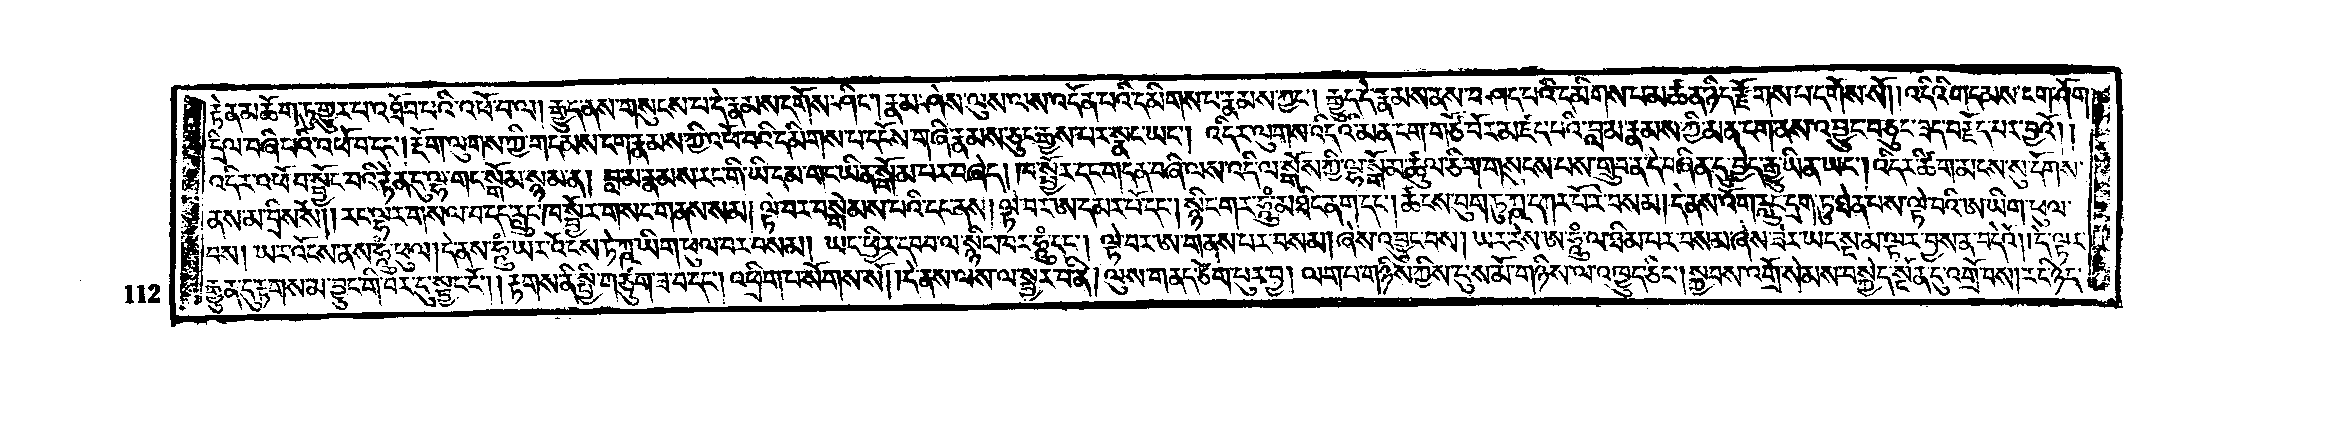རྟེན་མཆོག་ཏུ་གྱུར་པ་འཐོབ་པའི་འཕོ་བ་ལ། རྒྱུད་ནས་གསུངས་པ་དེ་རྣམས་དགོས་ཤིང་། རྣམ་ཤེས་ལུས་ལས་འདོན་པའི་དམིགས་པ་རྣམས་ཀྱང་། རྒྱུད་དེ་རྣམས་ནས་བཤད་པའི་དམིགས་པ་མཚན་ཉིད་རྫོགས་པ་དགོས་སོ། །འདིའི་གདམས་ངག་ཤོག་
དྲིལ་བཞི་པའི་འཕོ་བ་དང་། རྡོག་ལུགས་ཀྱི་གདམས་ངག་རྣམས་ཀྱི་འཕོ་བའི་དམིགས་པ་དངོས་གཞི་རྣམས་ཅུང་རྒྱས་པར་སྣང་ཡང་། འདིར་ལུགས་འདིའི་མན་ངག་གཙོ་བོར་མཛད་པའི་བླ་མ་རྣམས་ཀྱི་མན་ངག་ནས་འབྱུང་བ་ཅུང་ཟད་བརྗོད་པར་བྱའོ། །
འདིར་འཕོ་བ་སྦྱོང་བའི་རྟེན་དུ་ལྷ་གང་སྒོམ་སྙམ་ན། བླ་མ་རྣམས་རང་གི་ཡི་དམ་གང་ཡིན་སྒོམ་པར་བཞེད། ཁ་སྦྱོར་དང་གདན་བཞི་ལས་འདི་ལ་སྒོས་ཀྱི་ལྷ་སྒོམ་ཚུལ་ཅིག་གསུངས་པས་གྲུབ་ན་དེ་བཞིན་དུ་བྱེད་རྒྱུ་ཡིན་ཡང་། འདིར་ཚིག་མངས་སུ་དོགས་
ནས་མ་བྲིས་སོ། །རང་ལྷར་གསལ་བ་དང་རླུང་ཁ་སྦྱོར་གསང་གནས་སམ། ལྟེ་བར་བསྒོམས་པའི་དང་ནས། ལྟེ་བར་ཨ་དམར་པོ་དང་། སྙིང་གར་ཧཱུཾ་མཐིང་ནག་དང་། ཚངས་བུག་ཏུ་ཀྵ་དཀར་པོ་རེ་བསམ། དེ་ནས་འོག་རླུང་དྲག་ཏུ་ཐེན་པས་ལྟེ་བའི་ཨ་ཡིག་ཕུལ་
བས། ཡར་འོངས་ནས་ཧཱུཾ་ཕུལ། དེ་ནས་ཧཱུཾ་ཡར་འོངས་ཏེ་ཀྵ་ཡིག་ཕུལ་བར་བསམ། ཡང་ཕྱིར་དབབ་ལ་སྙིང་ཁར་ཧཱུཾ་དང་། ལྟེ་བར་ཨ་གནས་པར་བསམ། ཞེས་འབྱུང་བས། ཡར་རེས་ཨ་ཧཱུཾ་ལ་ཐིམ་པར་བསམ་ཞེས་ཟེར་ཡང་སྔ་མ་ལྟར་བྱས་ན་བདེའོ། །དེ་ལྟར་
རྒྱུན་དུ་རྟགས་མ་བྱུང་གི་བར་དུ་སྦྱང་ངོ། །རྟགས་ནི་སྤྱི་གཙུག་ཟ་བ་དང་། འཕྲིག་པ་སོགས་སོ། །དེ་ནས་ལས་ལ་སྦྱར་བ་ནི། ལུས་གནད་ཙོག་པུར་བྱ། ལག་པ་གཉིས་ཀྱིས་པུས་མོ་གཉིས་ལ་འཁྱུད་ཅིང་། སྐྱབས་འགྲོ་སེམས་བསྐྱེད་སྔོན་དུ་འགྲོ་བས། རང་ཉིད་